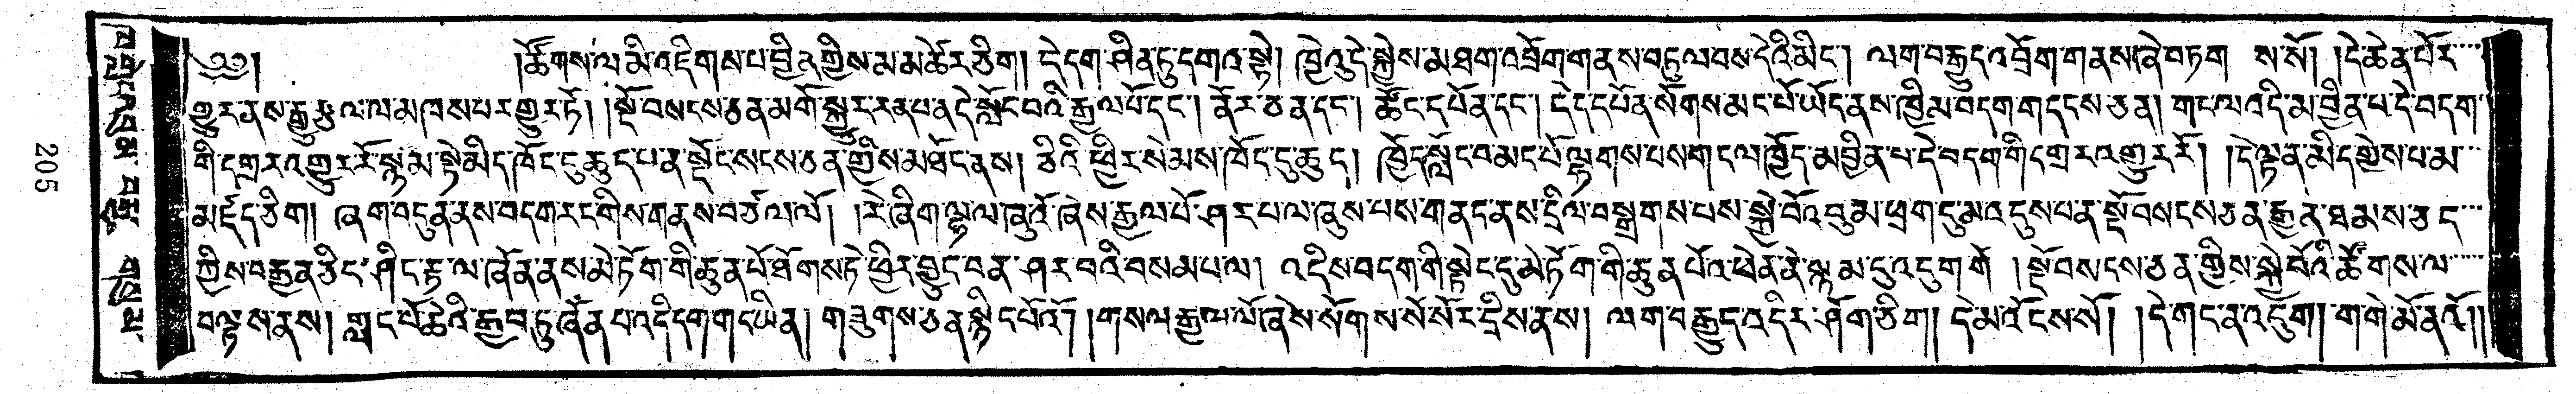༄༅། །ཚོགས་ལ་མི་འཇིགས་པ་བྱིན་གྱིས་མ་མཚེར་ཅིག །དེ་དག་ཤིན་ཏུ་དགའ་སྟེ། ཁྱེའུ་དེ་སྐྱེས་མཐག་འབྲོག་གནས་བཏུལ་བས་དེའི་མིང་། ལག་བརྒྱུད་འབྲོག་གནས་ཞེ་བཏག་ས་སོ། །དེ་ཆེན་པོར་
གྱུར་ནས་རྒྱུ་རྩལ་ལ་མཁས་པར་གྱུར་ཏོ། །སྡོ་བསངས་ཅན་མགོ་སྐྱུར་རན་པ་ན་དེ་སློང་བའི་རྒྱལ་པོ་དང་། ནོར་ཅན་དང་། ཚོང་དཔོན་དང་། དེད་དཔོན་སོགས་མང་པོ་ཡོད་ནས་ཁྱིམ་བདག་གདངས་ཅན། གང་ལ་འདི་མ་བྱིན་པ་དེ་བདག་
གི་དགྲར་འགྱུར་རོ་སྙམ་སྟེ་མིད་ཁོང་དུ་ཆུད་པ་ན་སྡོང་སངས་ཅན་གྱིས་མཐོང་ནས། ཅིའི་ཕྱིར་སེམས་ཁོང་དུ་ཆུད། ཁྱོད་སློང་བ་མང་པོ་ལྷགས་པས་གང་ལ་ཁྱོད་མ་བྱིན་པ་དེ་བདག་གི་དགྲར་འགྱུར་རོ། །དེ་ལྟ་ན་མི་དགྱེས་པ་མ་
མཛད་ཅིག །ཞག་བདུན་ནས་བདག་རང་གིས་གནས་བཙལ་ལོ། །རེ་ཞིག་ལྷ་ལ་ཞུའོ་ཞེས་རྒྱལ་པོ་ཤར་པ་ལ་ཞུས་པས་གནང་ནས་དྲིལ་བསྒྲགས་པས་སྐྱེ་བོ་འབུམ་ཕྲག་དུ་མ་འདུས་པ་ན་སྡོ་བསངས་ཅན་རྒྱན་ཐམས་ཅད་
ཀྱིས་བརྒྱན་ཅིང་ཤིང་རྟ་ལ་ཞོན་ནས་མེ་ཏོག་གི་ཆུན་པོ་ཐོགས་ཏེ་ཕྱིར་བྱུང་བན་ཤར་བའི་བསམ་པ་ལ། འདིས་བདག་གི་སྟེང་དུ་མེ་ཏོག་གི་ཆུན་པོ་འཕེན་ནེ་སྙམ་དུ་འདུག་གོ །སྡོ་བསངས་ཅན་གྱིས་སྐྱེ་བོའི་ཚོགས་ལ་
བལྟས་ནས། གླང་པོ་ཆེའི་རྒྱབ་ཏུ་ཞོན་པ་འདི་དག་གང་ཡིན། གཟུགས་ཅན་སྙིང་པོའོ། །གསལ་རྒྱལ་ལོ་ཞེས་སོགས་སོ་སོར་དྲིས་ནས། ལག་བརྒྱུད་འདིར་ཤོག་ཅིག །དེ་མ་འོངས་སོ། །དེ་གང་ན་འདུག །ག་གེ་མོ་ནའོ།།